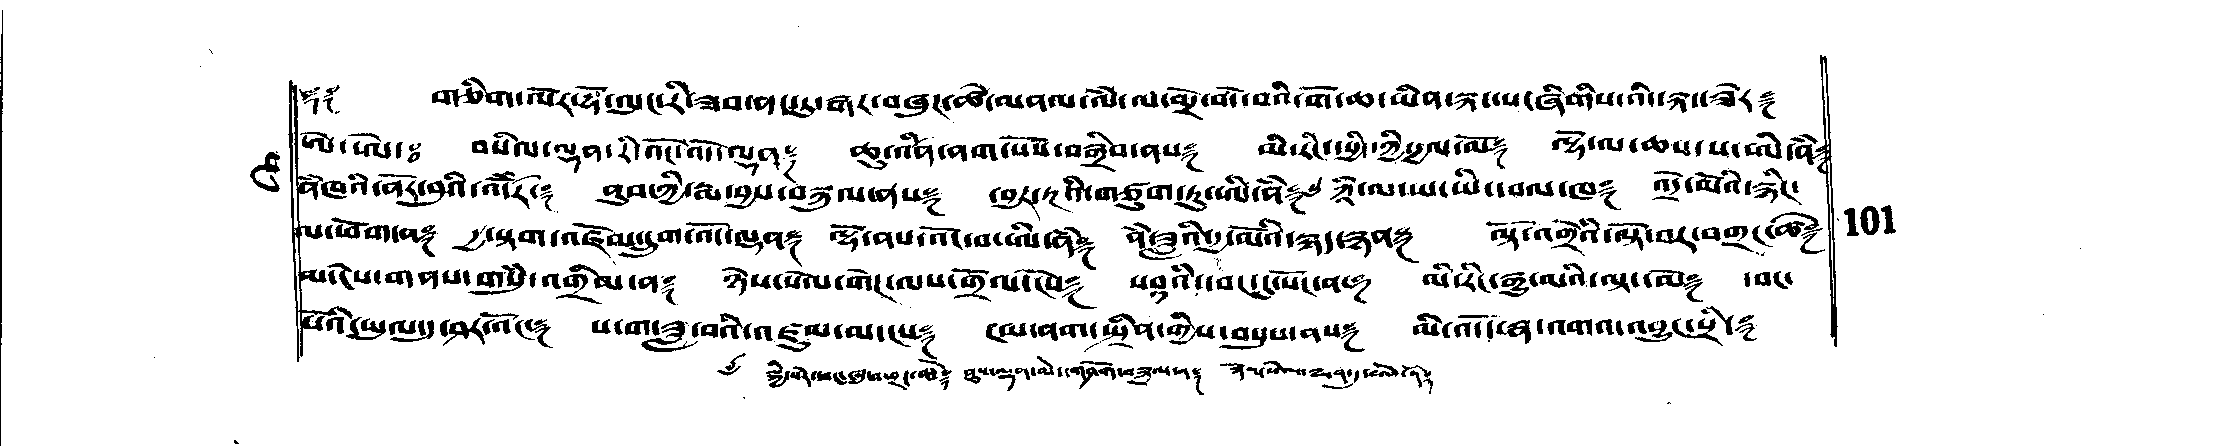གཅིག་ལོར་རྡོ་ལུང་རི་ཟབ་ནང་དུ་སྒར་བཞུགས་ཚེ་མནལ་ལམ་ལ་མཁའ་འགྲོ་བདེ་བའི་གོ་ཆ་ཡིན་སྐད་པ་ཞིག་གིས་འདི་སྐད་ཟེར། 
ཨེ་ཨེཿ བསིལ་ལྡན་རི་འོང་འོད་ལྡན། །ཆུ་འཛིན་ནག་པོས་བསྒྲིབ་ནས། །མི་རིང་དཔྱིད་ཀྱི་རྒྱལ་མོ། །ལྷོ་ལ་ཆས་པ་ཨི་ནམ། །
ནམ་མཁའི་ནོར་བུའི་འོད་ཟེར། །ནུབ་ཀྱི་རྨ་བྱས་བསྐུལ་ནས། །དབྱར་རྔའི་གཙུག་ཏུ་ཨི་ནམ། །སྐྱིབ་སེར་དབང་ཞུག་༼ཞུ་?༽འཕྲད་ཚེ། །ནུས་ལྡན་མེ་༼མེད་?༽གཤོག་བསྐུལ་ན། །སྐོམ་སེལ་སྨན་དུ་ཨེ་ནམ། ཀཱི་ལ་ཡ་ཡི་དབལ་ཁ། །འདྲེ་མོའི་སྙིང་
ལ་ཕོག་ན། །རྒྱ་སྟག་འཛོམ་དྲུག་འོད་ལྡན། །ལྷོ་ནས་འོང་བ་ཨི་ནམ། །ནམ་ཟླའི་རྒྱ་མོའི་སྐད་སྙན། །ལྟོ་འགྲོའི་ལྟོ་བར་བགྲང་ཚེ། །
མ་ངེས་གནས་གསུམ་འགྲིམ་ན། །ཉེས་སེལ་གེགས་ལས་གྲོལ་ངེས། །སཔྟའི་དབང་དུ་སོང་ན། །མི་རིང་སྒྱུ་མའི་ལྟད་མོ། །དབང་
པོའི་ཡུལ་དུ་ཤར་འོང་། །ས་ག་ཟླ་བའི་འཛུམ་མདངས། །ངམ་ནག་སྤྲིན་གྱིས་བསུས་ནས། །མི་འདོད་སྣ་འགའ་འབྱུང་སྲིད།